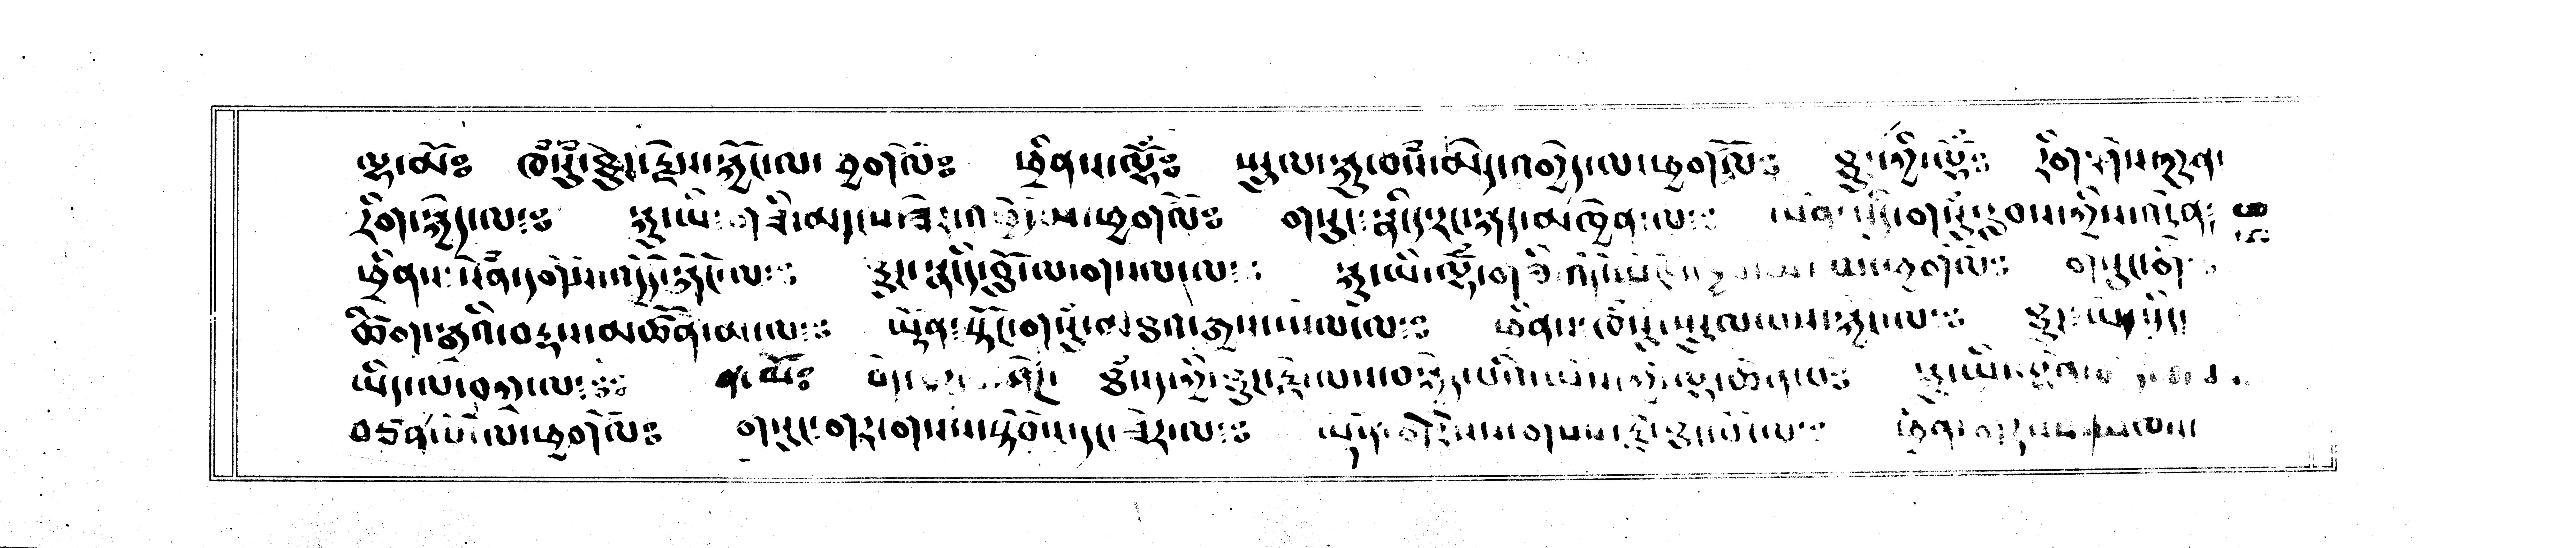ལྷ་མོཿ ཁམས་གསུམ་ཐུགས་རྗེས་སྐྱོང་ལ་ཕྱག་འཚལ་ལོཿ ཕྲིན་ལས་ཀྱི་ལྷ་མོཿ སྤྲུལ་སྐུ་བསམ་མེད་འགྱེད་ལ་ཕྱག་འཚལ་ལོཿ ཐུགས་ཀྱི་ལྷ་མོཿ རིག་ཤེས་ཀུན་
རིག་བསྐྱེད་ལ་ཕྱག་འཚལ་ལོཿ སྐུ་ཡི་ལྷ་མོཿ གཟི་མདངས་ཟེར་འཕྲོ་མ་ལ་ཕྱག་འཚལ་ལོཿ གསུང་གི་ལྷ་མོཿ སྣང་སྲིད་རང་སྐད་མཁྱེན་ལ་ཕྱག་འཚལ་ལོཿ ཡོན་ཏན་གྱི་ལྷ་མོཿ སྲིད་གསུམ་རླབས་ཀྱིས་འདྲེན་ལ་ཕྱག་འཚལ་ལོཿ 
ཕྲིན་ལས་ཀྱི་ལྷ་མོཿ སེམས་ཅན་དགོས་འདོད་སྐོང་ལ་ཕྱག་འཚལ་ལོཿ ཐུགས་ཀྱི་ལྷ་མོཿ སྣང་སྲིད་བློ་གསལ་ལ་ཕྱག་འཚལ་ལོཿ སྐུ་ཡི་ལྷ་མོཿ གཟི་འོད་ཡོངས་རྒྱས་མ་ལ་ཕྱག་འཚལ་ལོཿ གསུང་གི་ལྷ་མོཿ 
ཚིག་སྒྲའི་བརྡ་མཚོན་མ་ལ་ཕྱག་འཚལ་ལོཿ ཡོན་ཏན་གྱི་ལྷ་མོཿ སྟོང་གསུམ་མཐའ་རྒྱས་སྤེལ་ལ་ཕྱག་འཚལ་ལོཿ ཕྲིན་ལས་ཀྱི་ལྷ་མོཿ ཁམས་གསུམ་སྤྲུལ་པས་སྐྱོང་ལ་ཕྱག་འཚལ་ལོཿ ཐུགས་ཀྱི་ལྷ་མོཿ ཡེ་སྲིད་
ཡིད་ལ་བཀྲ་ལ་ཕྱག་འཚལ་ལོཿ ན་མོ་བདེ་བར་གཤེགས་པ་ཐམས་ཅད་ཀྱི་ཐུགས་རྗེ་ལས་བསྐྱེད་པའི་ཡེ་ཤེས་ཀྱི་ལྷ་ཆེན་པོཿ སྐུ་ཡི་ལྷ་ཆེནཿ གར་གསས་
བཙན་པོ་ལ་ཕྱག་འཚལ་ལོཿ གསུང་གི་ལྷ་ཆེནཿ གར་གསས་སྟོབས་དང་ཟེར་ལ་ཕྱག་འཚལ་ལོཿ ཡོན་ཏན་གྱི་ལྷ་ཆེནཿ གར་གསས་གསས་རྗེ་ཐང་པོ་ལ་ཕྱག་འཚལ་ལོཿ ཕྲིན་ལས་ཀྱི་ལྷ་ཆེནཿ གར་གསས་མཁའ་རྗེ་